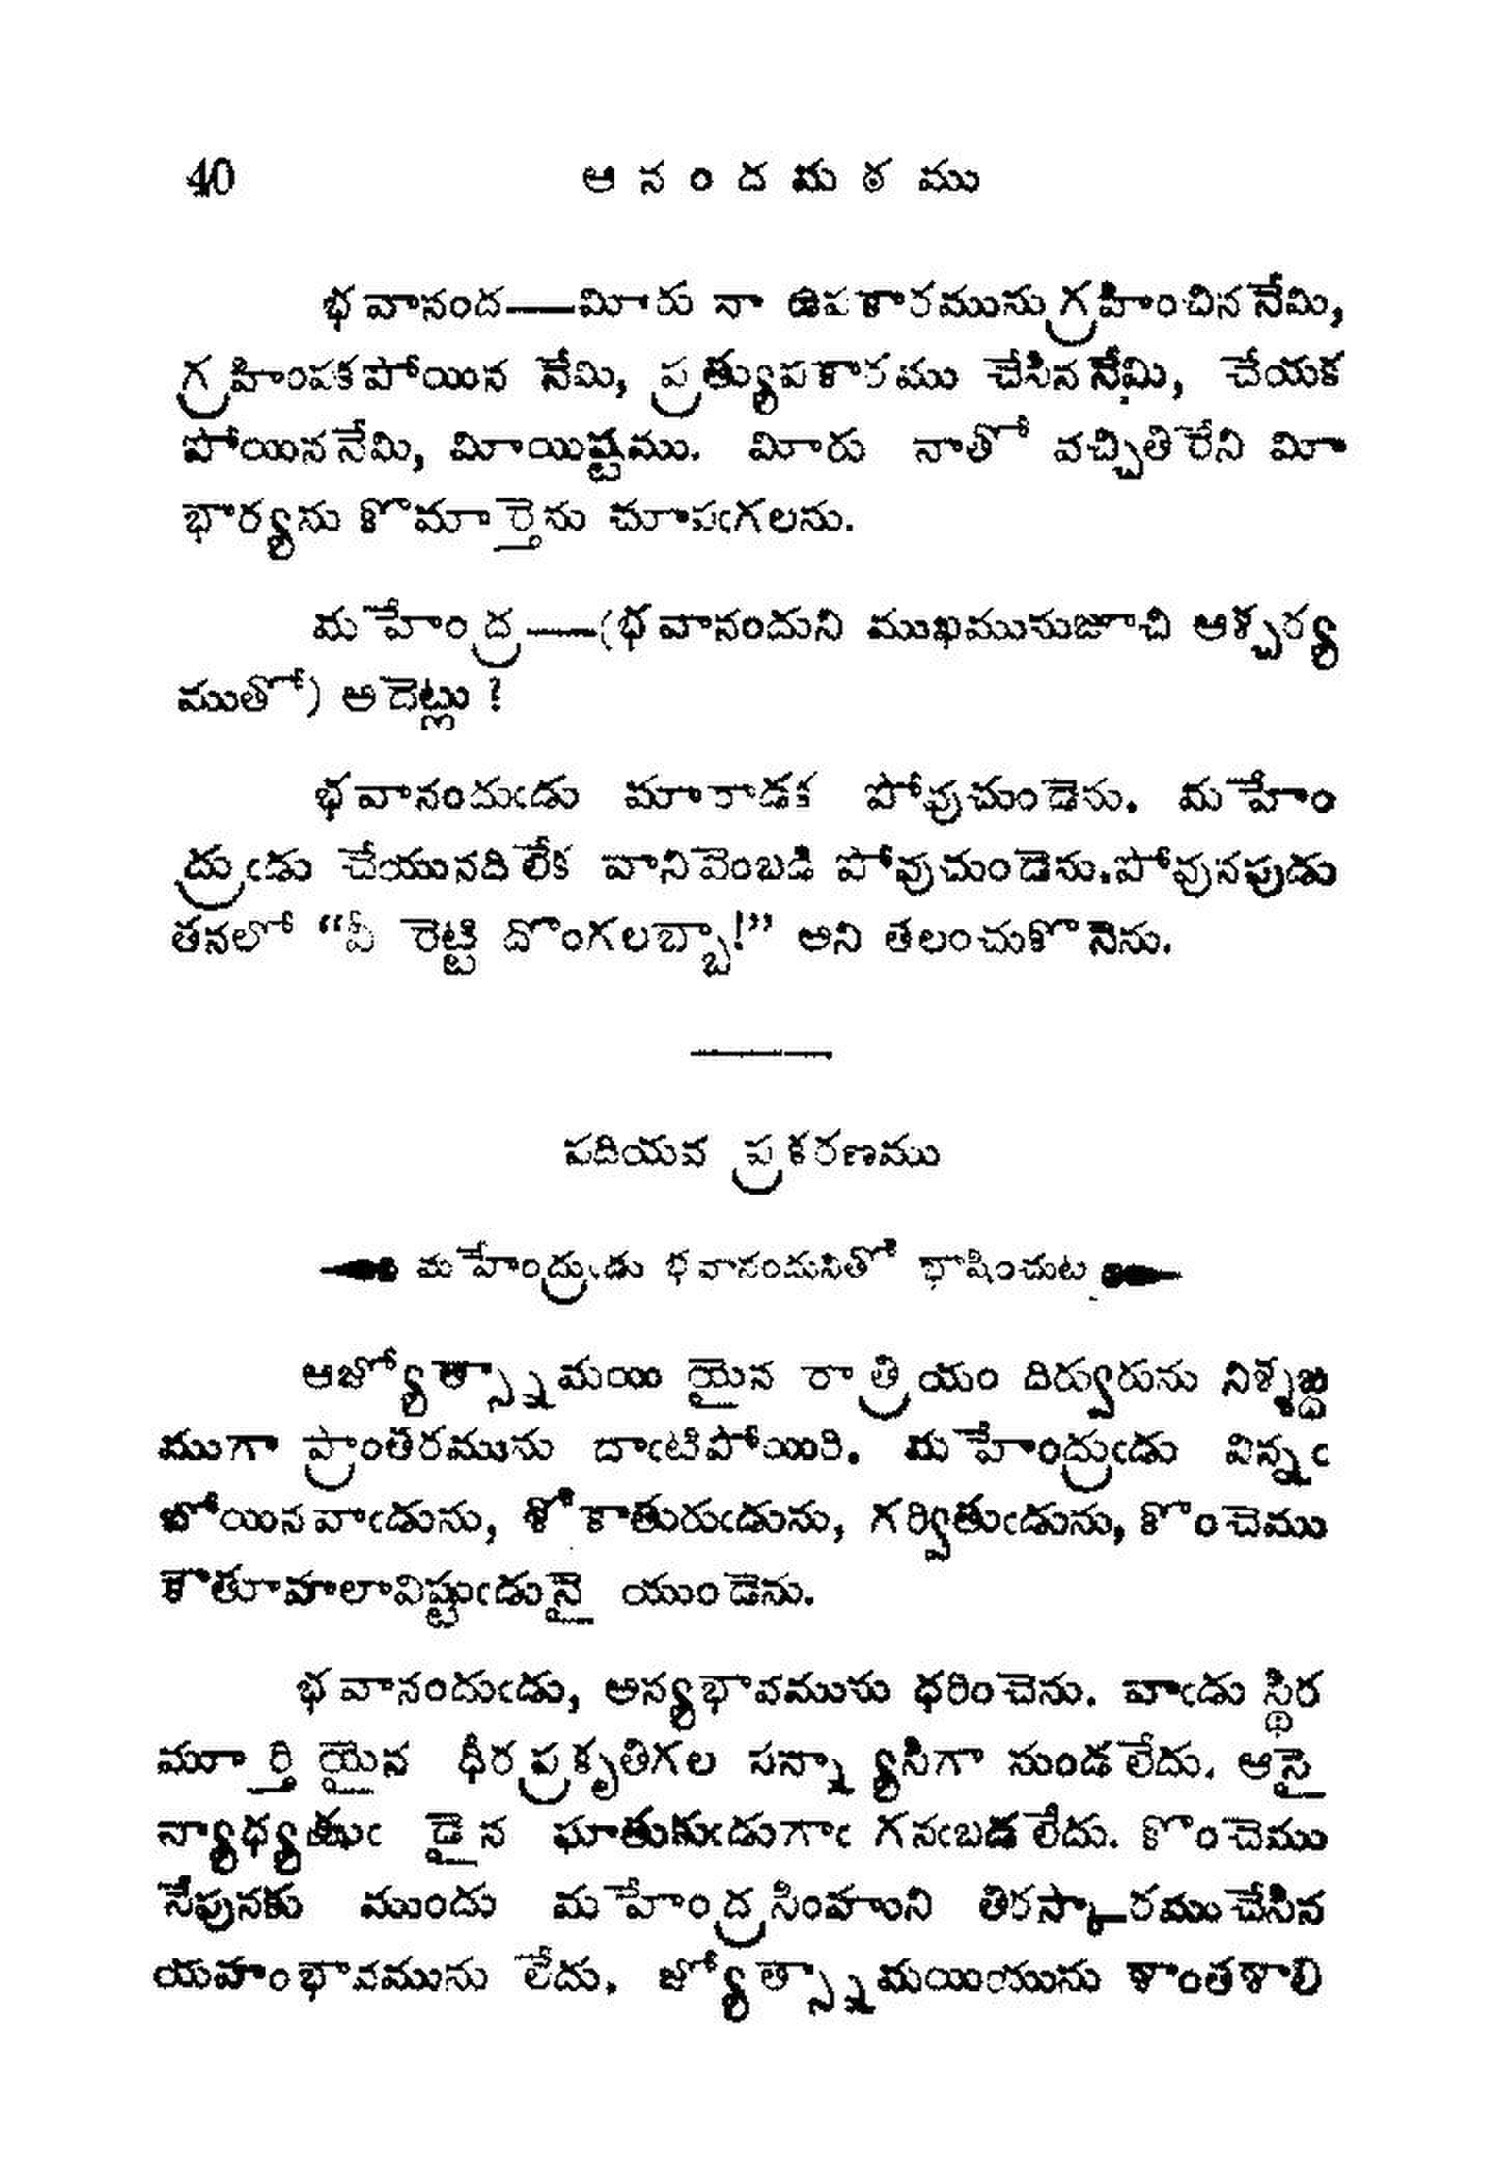భవానంద—— మీరు నా ఉపకారమును గ్రహించిన నేమి, గ్రహింపకపోయిన నేమి, ప్రత్యుపకారము చేసిననేమి, చేయక పోయిన నేమి, మీయిష్టము. మీరు నాతో వచ్చితిరేని మీ భార్యను కొమార్తెను చూపఁగలను.

మహేంద్ర——(భవానందుని ముఖమునుజూచి ఆశ్చర్యముతో) అదెట్లు?

భవానందుఁడు మారాడక పోవుచుండెను. మహేంద్రుడు చేయునది లేక వాని వెంబడి పోవుచుండెను. పోవునపుడు తనలో “వీ రెట్టి దొంగలబ్బా!” అని తలంచుకొనెను.

పదియవ ప్రకరణము

మహేంద్రుడు భవానందునితో భాషించుట

ఆజ్యోత్స్నా మయి యైన రాత్రియం దిర్వురును నిశ్శబ్దముగా ప్రాంతరమును దాఁటిపోయిరి. మహేంద్రుఁడు విన్నఁ బోయిన వాఁడును, శోకాతురుఁడును, గర్వితుఁడును, కొంచెము కౌతూహలావిష్ణుఁడునై యుండెను.

భవానందుఁడు, అన్యభావమును ధరించెను. వాడు స్థిర మూర్తియైన ధీర ప్రకృతిగల సన్న్యాసిగా నుండలేదు. ఆసైన్యాధ్యక్షుఁ డైన ఘాతుకుఁడుగాఁ గనఁబడ లేదు. కొంచెము సేపునకు ముందు మహేంద్ర సింహుని తిరస్కారము చేసిన యహంభావమును లేదు,
జ్యోత్స్నామయియును శాంతశాలి